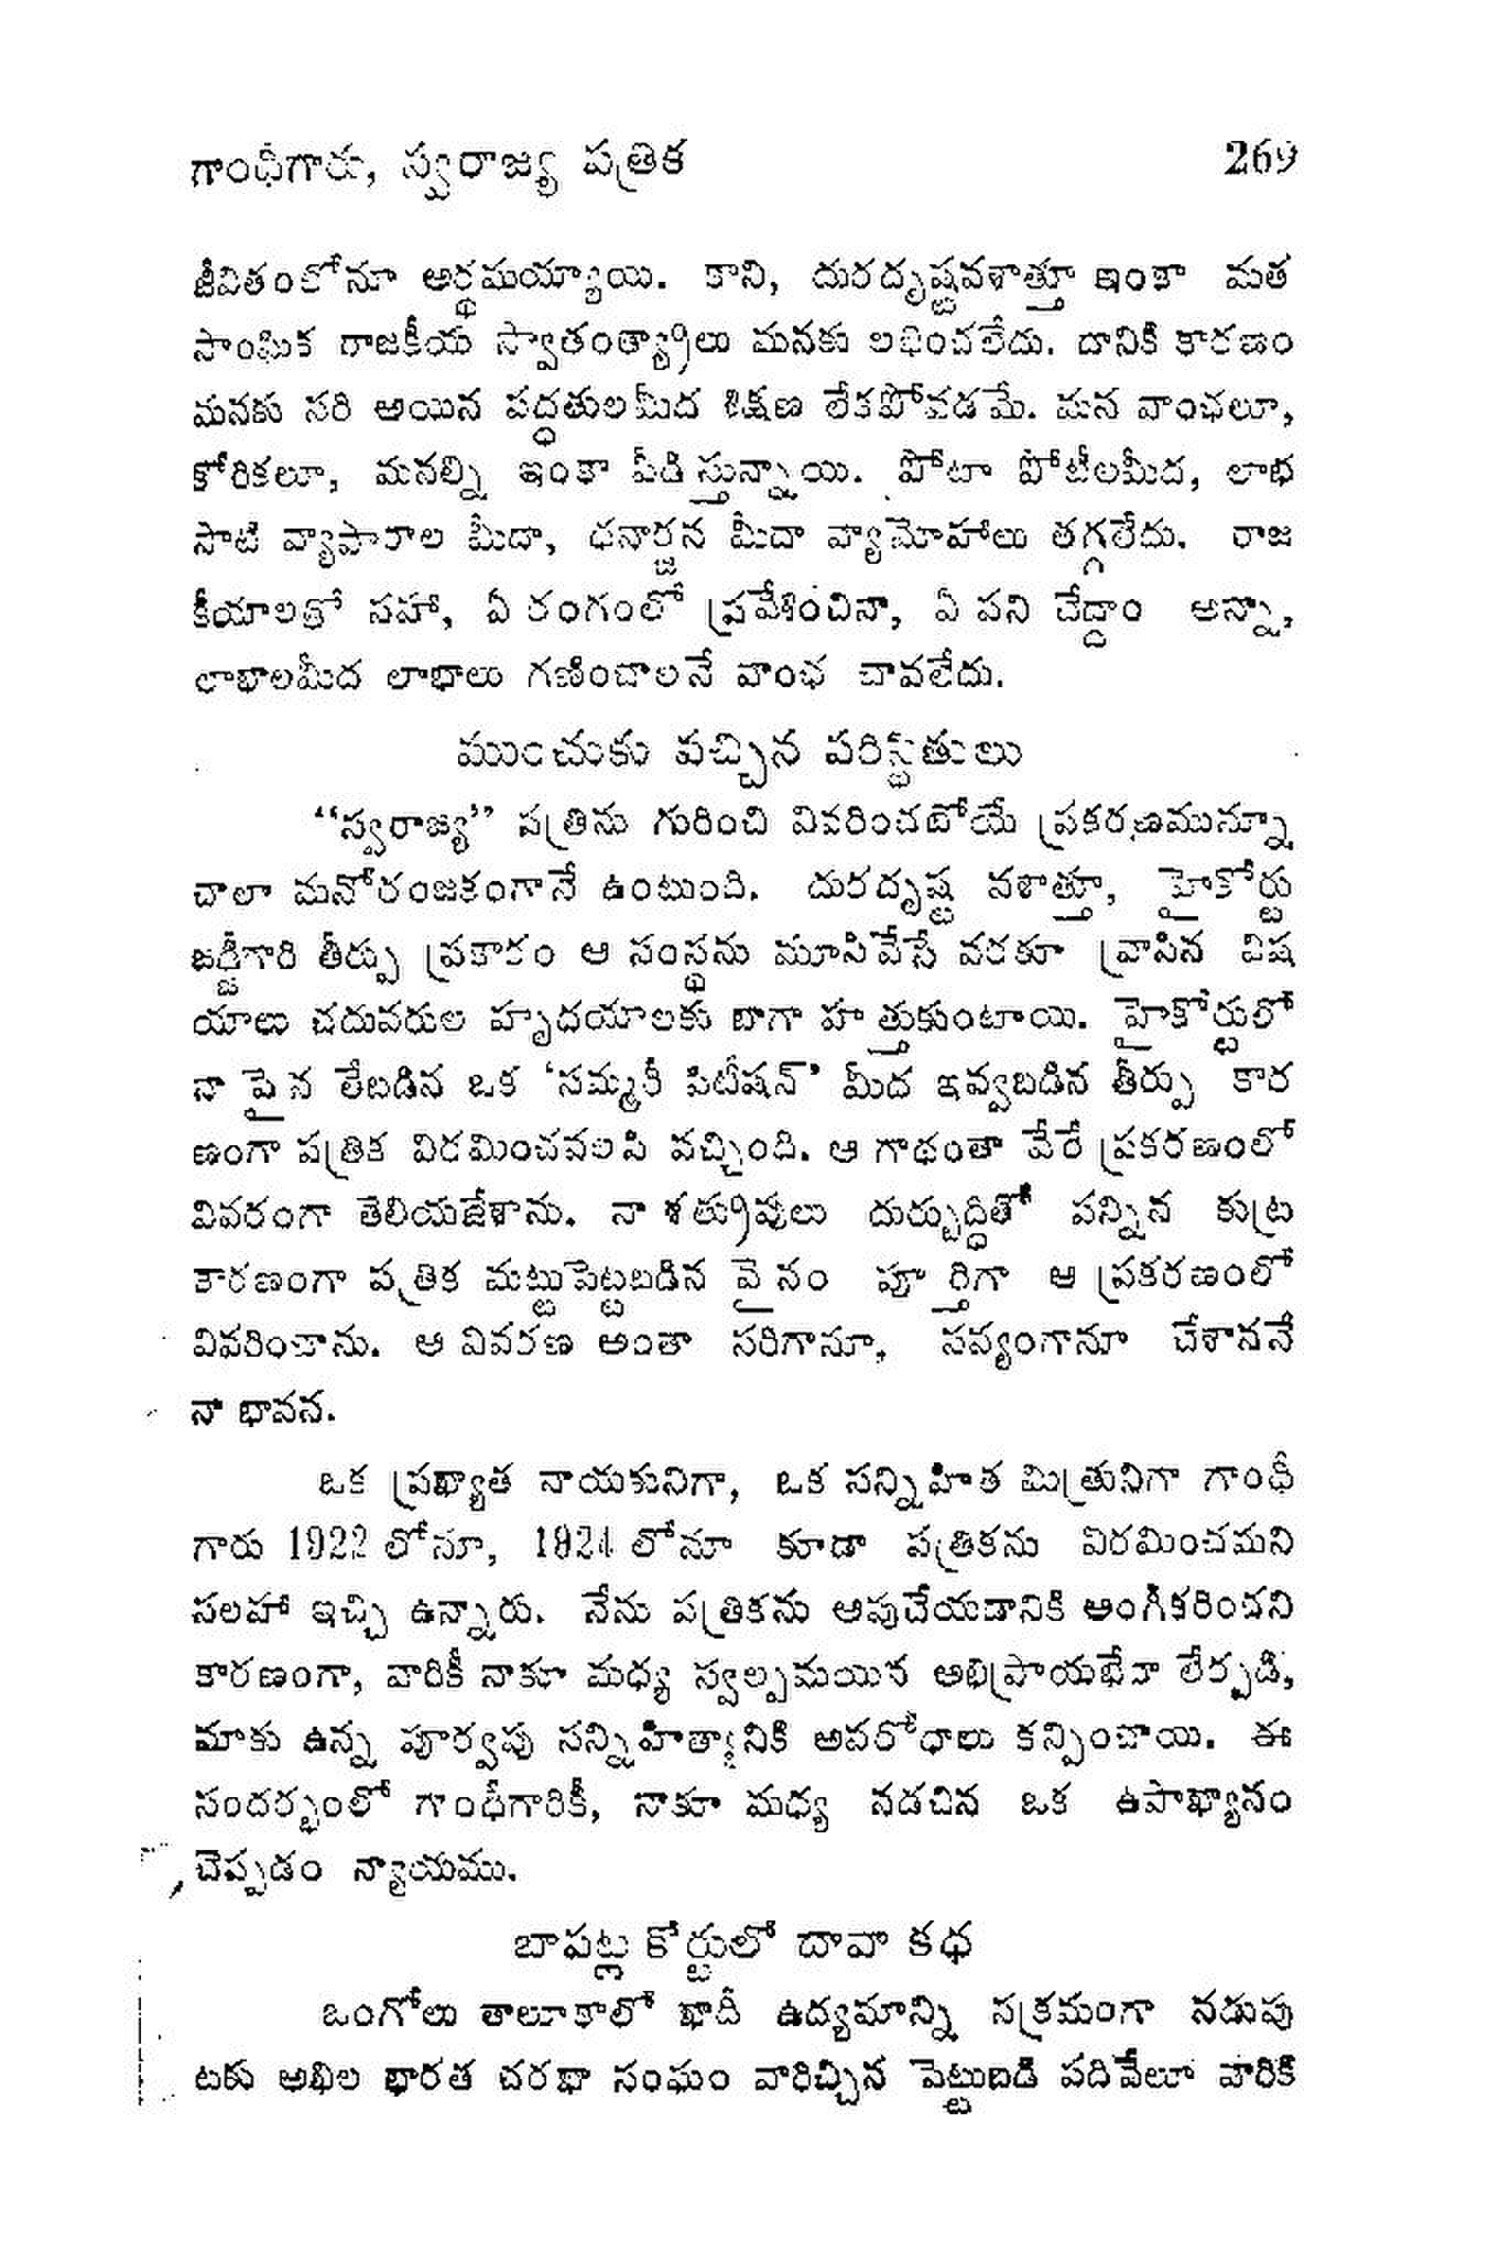జీవితంలోనూ అర్థమయ్యాయి. కాని, దురదృష్టవశాత్తూ ఇంకా మత సాంఘిక రాజకీయ స్వాతంత్య్రాలు మనకు లభించలేదు. దానికి కారణం మనకు సరి అయిన పద్ధతులమీద శిక్షణ లేకపోవడమే. మన వాంఛలూ, కోరికలూ, మనల్ని ఇంకా పీడిస్తున్నాయి. పోటా పోటీలమీద, లాభసాటి వ్యాపారాల మీదా, ధనార్జన మీదా వ్యామోహాలు తగ్గలేదు. రాజకీయాలతో సహా, ఏ రంగంలో ప్రవేశించినా, ఏ పని చేద్దాం అన్నా, లాభాలమీద లాభాలు గణించాలనే వాంఛ చావలేదు.

"స్వరాజ్య" పత్రికను గురించి వివరించబోయే ప్రకరణమున్నూ చాలా మనోరంజకంగానే ఉంటుంది. దురదృష్ట వశాత్తూ, హైకోర్టు జడ్జీగారి తీర్పు ప్రకారం ఆ సంస్థను మూసివేసే వరకూ వ్రాసిన విషయాలు చదువరుల హృదయాలకు బాగా హత్తుకుంటాయి. హైకోర్టులో నాపైన తేబడిన ఒక "సమ్మరీ పిటీషన్" మీద ఇవ్వబడిన తీర్పు కారణంగా పత్రిక విరమింపవలసి వచ్చింది. ఆ గాథంతా వేరే ప్రకరణంలో వివరంగా తెలియజేశాను. నా శత్రువులు దుర్బుద్దితో పన్నిన కుట్ర కారణంగా పత్రిక మట్టుపెట్టబడిన వైనం పూర్తిగా ఆ ప్రకరణంలో వివరించాను. ఆ వివరణ అంతా సరిగానూ, సవ్యంగానూ చేశాననే నా భావన.

ఒక ప్రఖ్యాత నాయకునిగా, ఒక సన్నిహిత మిత్రునిగా గాంధీగారు 1922 లోనూ, 1924 లోనూ కూడా పత్రికను విరమించమని సలహా ఇచ్చి ఉన్నారు. నేను పత్రికను ఆపుచేయడానికి అంగీకరించని కారణంగా, వారికీ నాకూ మధ్య స్వల్పమయిన అభిప్రాయభేధా లేర్పడి, మాకు ఉన్న పూర్వపు సన్నిహిత్యానికి అవరోధాలు కన్పించాయి. ఈ సందర్భంలో గాంధీగారికీ, నాకూ మధ్య నడచిన ఒక ఉపాఖ్యానం చెప్పడం న్యాయము.

ఒంగోలు తాలూకాలో ఖాదీ ఉధ్యమాన్ని సక్రమంగా నడుపుటకు అఖిల భారత చరఖా సంఘం వారిచ్చిన పెట్టుబడి పదివేలూ వారికి